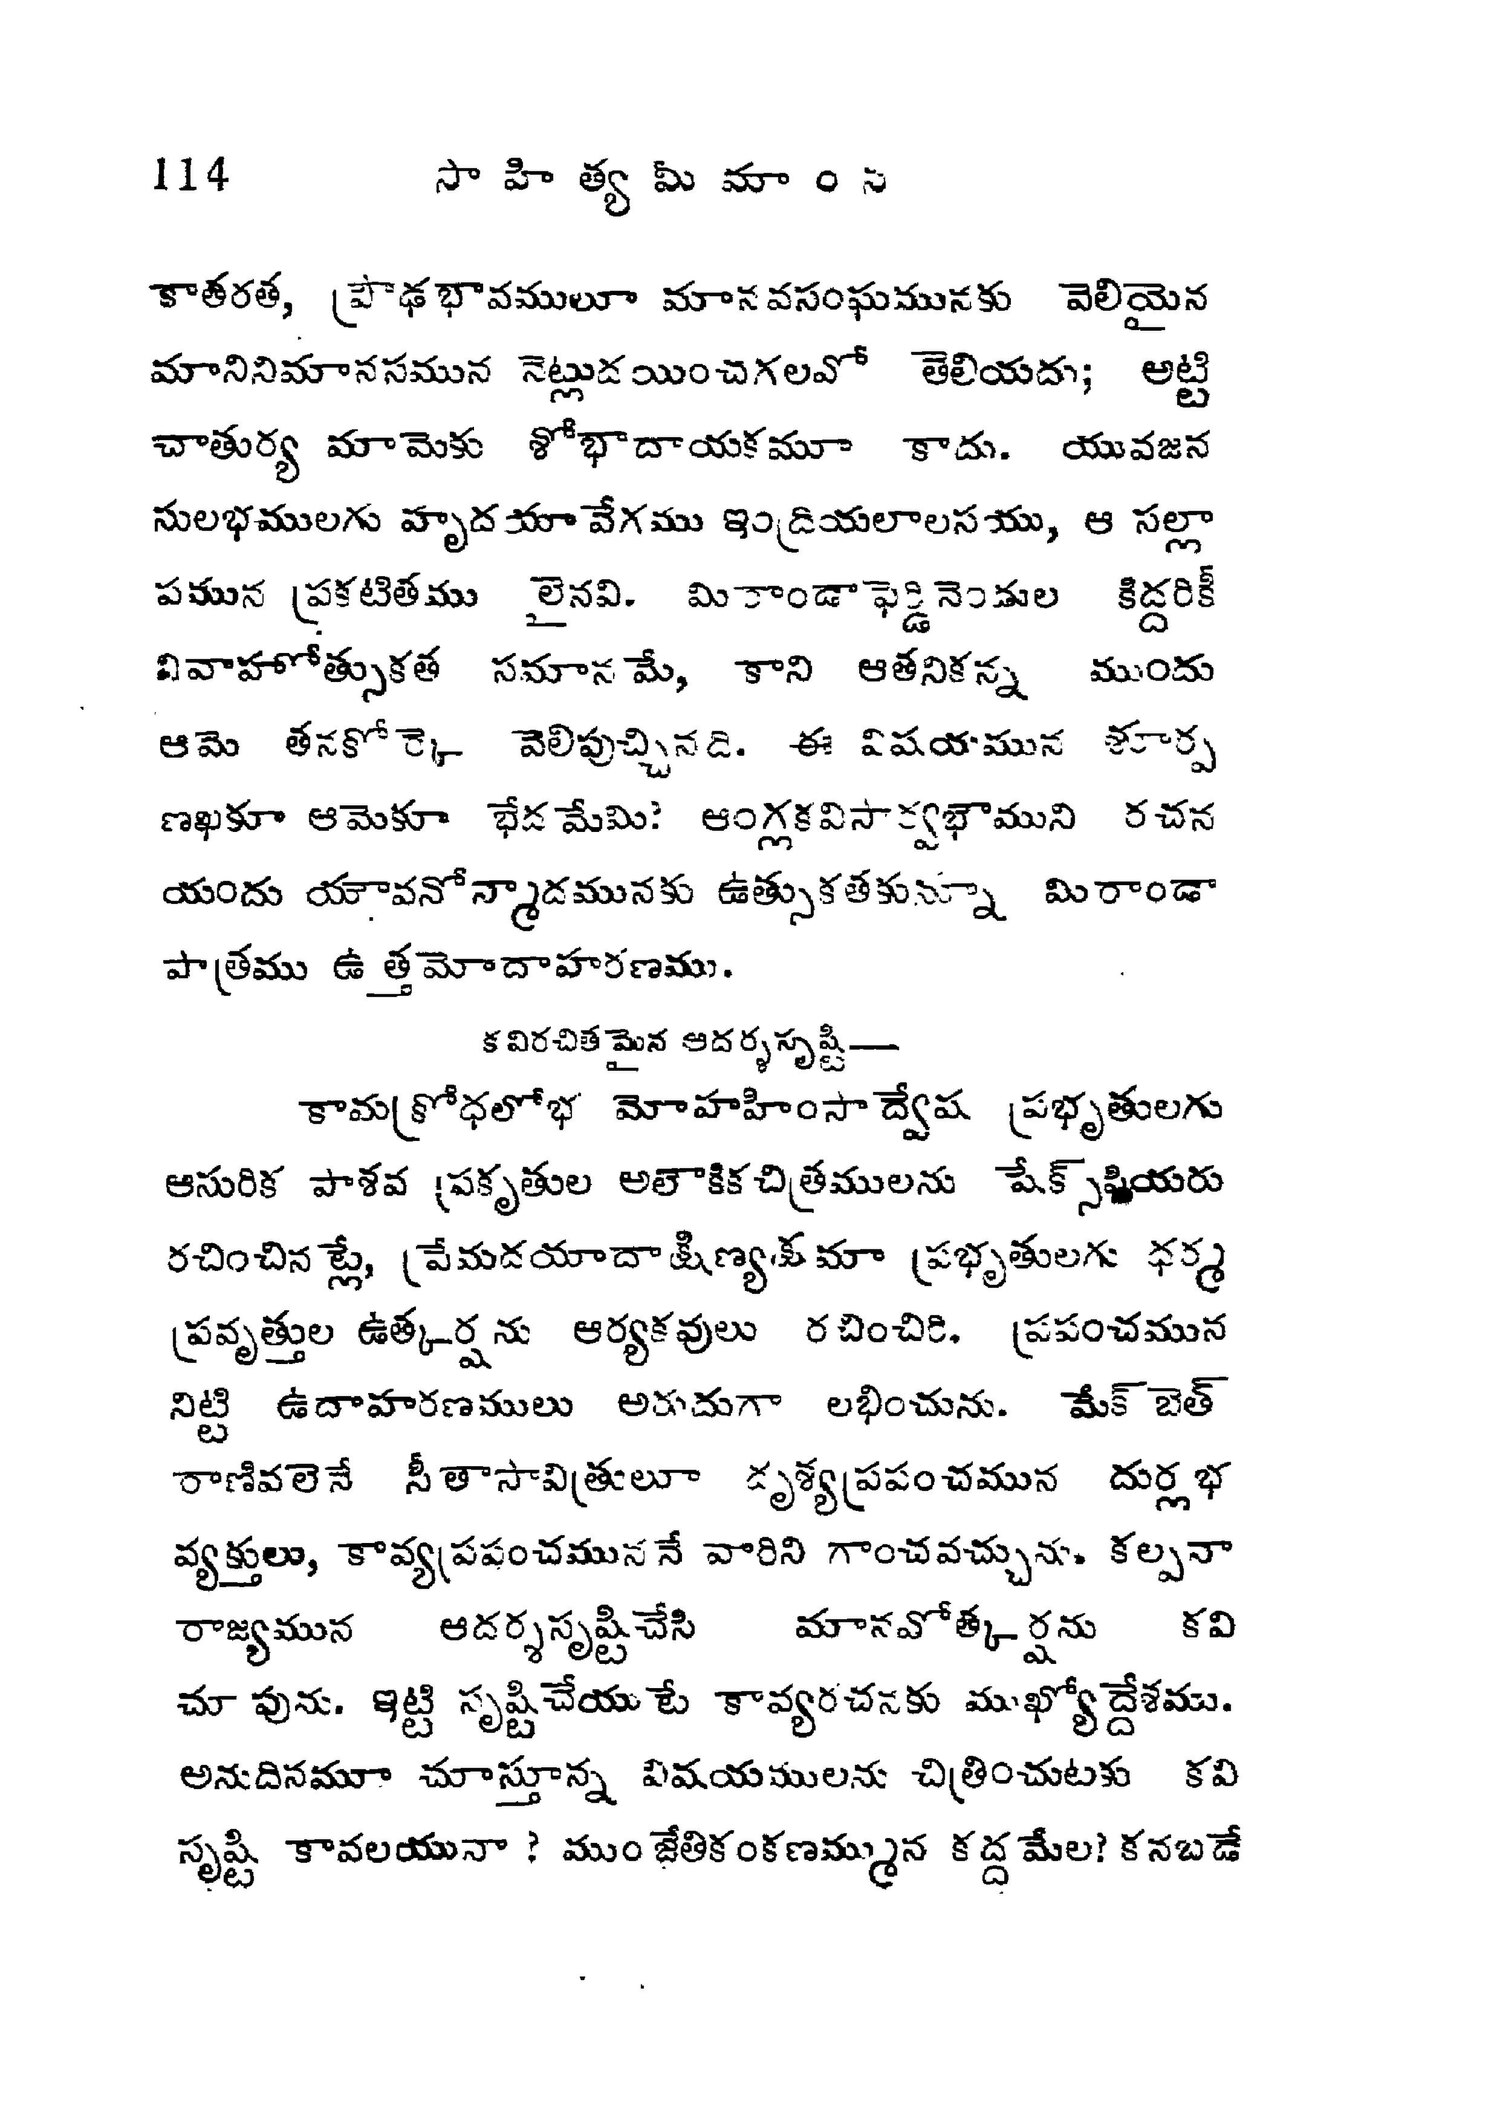కాతరత, ప్రౌఢభావములూ మానవసంఘమునకు వెలియైన మానినిమానసమున నెట్లుదయించగలవో తెలియదు; అట్టి చాతుర్య మామెకు శోభాదాయకమూ కాదు. యువజన సులభములగు హృదయావేగము ఇంద్రియాలాలసయు, ఆ సల్లాపమున ప్రకటితము లైనవి. మిరాండాఫెర్డినెండుల కిద్దరికీ వివాహోత్సుకత సమానమే, కాని అతనికన్న ముందు ఆమె తనకోర్కె వెలిపుచ్చినది. ఈ విషయమున శూర్పణఖకూ ఆమెకూ భేదమేమి? ఆంగ్లకవిసార్వభౌముని రచన యందు యౌవనోన్మాదమునకు ఉత్సుకతకున్నూ మిరాండా పాత్రము ఉత్తమోదాహరణము.

కామక్రోధలోభ మోహహింసాద్వేష ప్రభృతులగు ఆసురిక పాశవ ప్రకృతుల అలౌకికచిత్రములను షేక్స్‌పియరు రచించినట్లే, ప్రేమదయాదాక్షిణ్యక్షమా ప్రభృతులగు ధర్మ ప్రవృత్తుల ఉత్కర్షను ఆర్యకవులు రచించిరి. ప్రపంచమున నిట్టి ఉదాహరణములు అరుదుగా లభించును. మేక్‌బెత్ రాణివలెనే సీతాసావిత్రిలూ దృశ్యప్రపంచమున దుర్లభ వ్యక్తులు, కావ్యప్రపంచముననే వారిని గాంచవచ్చును. కల్పనా రాజ్యమున ఆదర్శసృష్టిచేసి మానవోత్కర్షను కవి చూపును. ఇట్టి సృష్టిచేయుటే కావ్యరచనకు ముఖ్యోద్దేశము. అనుదినమూ చూస్తూన్న విషయములను చిత్రించుటకు కవి సృష్టి కావలయునా? ముంజేతికంకణమ్మున కద్దమేల? కనబడే